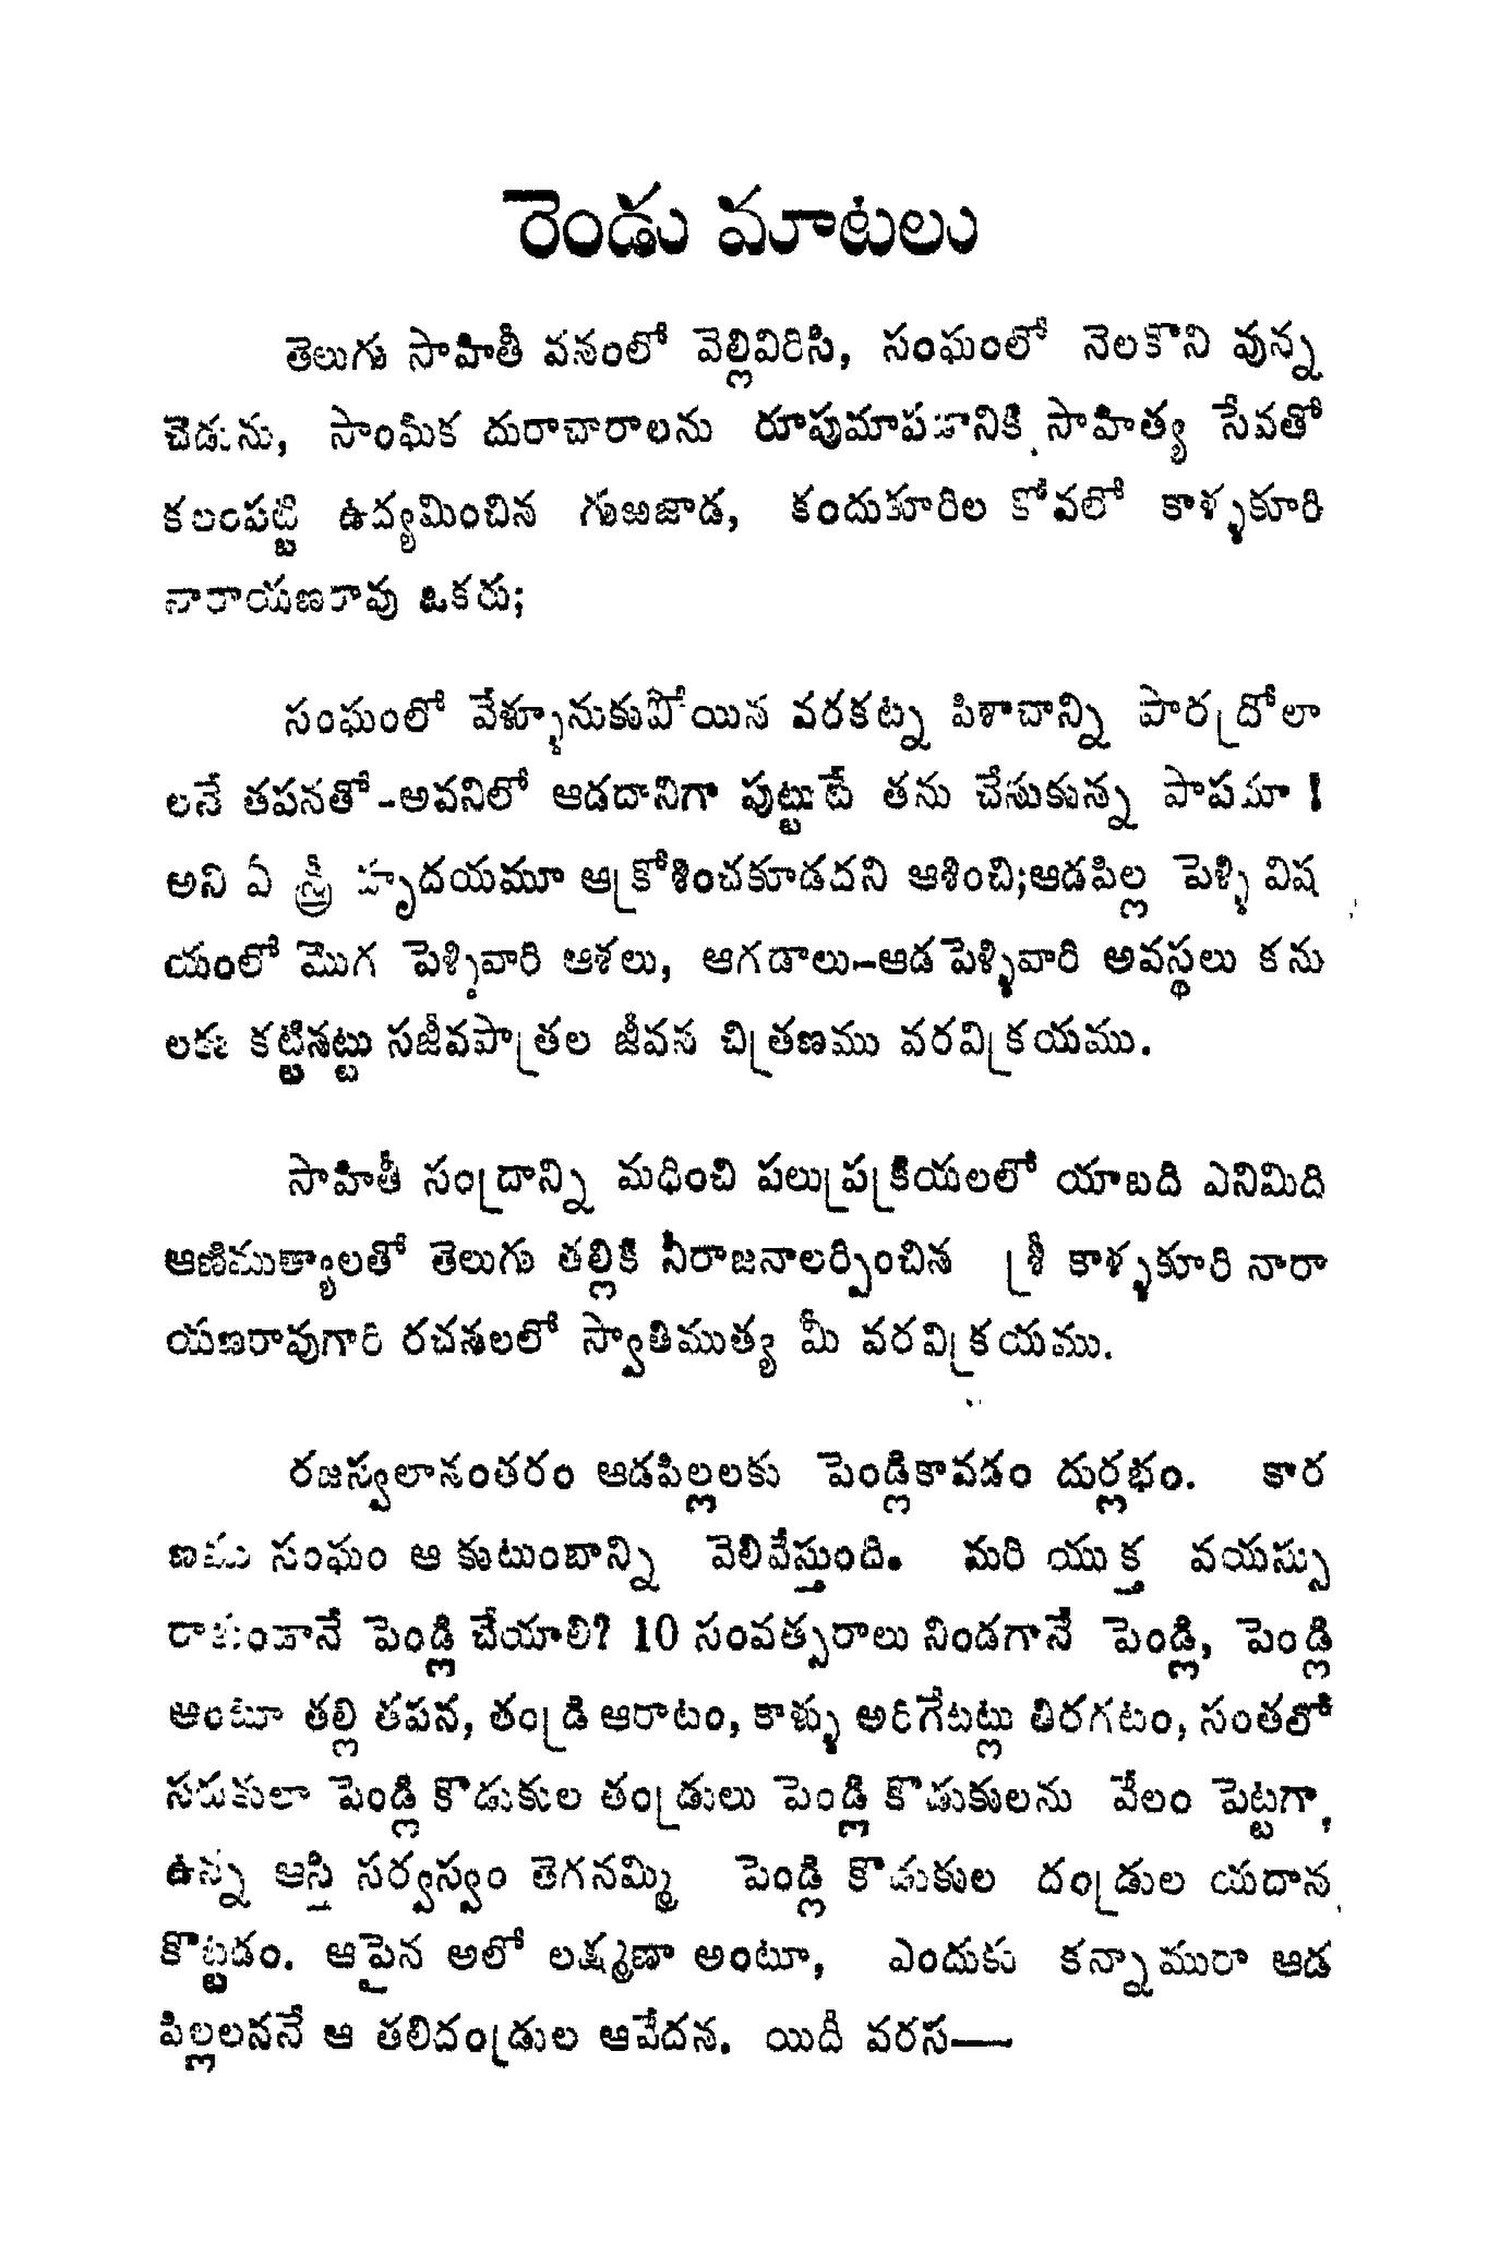రెండు మాటలు

తెలుగు సాహితీ వనంలో వెల్లివిరిసి, సంఘంలో నెలకొని వున్న చెడును, సాంఘిక దురాచారాలను రూపుమాపడానికి సాహిత్య సేవతో కలంపట్టి ఉద్యమించిన గుఱజాడ, కందుకూరిల కోవలో కాళ్ళకూరి నారాయణరావు ఒకరు;

సంఘంలో వేళ్ళూనుకుపోయిన వరకట్న పిశాచాన్ని పారద్రోలాలనే తపనతో- అవనిలో ఆడదానిగా పుట్టుటే తను చేసుకున్న పాపమా! అని ఏ స్త్రీ హృదయమూ ఆక్రోశించకూడదని ఆశించి; ఆడపిల్ల పెళ్ళి విషయంలో మొగ పెళ్ళివారి ఆశలు, ఆగడాలు-ఆడపెళ్ళివారి అవస్థలు కనులకు కట్టినట్టు సజీవపాత్రల జీవన చిత్రణము వరవిక్రయము.

సాహితీ సంద్రాన్ని మధించి పలుప్రక్రియలలో యాబది ఎనిమిది ఆణిముత్యాలతో తెలుగు తల్లికి నీరాజనాలర్పించిన శ్రీ కాళ్ళకూరి నారాయణరావుగారి రచనలలో స్వాతిముత్య మీ వరవిక్రయము.

రజస్వలానంతరం ఆడపిల్లలకు పెండ్లికావడం దుర్లభం. కారణము సంఘం ఆ కుటుంబాన్ని వెలివేస్తుంది. మరి యుక్త వయస్సు రాకుండానే పెండ్లి చేయాలి? 10 సంవత్సరాలు నిండగానే పెండ్లి, పెండ్లి అంటూ తల్లి తపన, తండ్రి ఆరాటం, కాళ్ళు అరిగేటట్లు తిరగటం, సంతలో సరుకులా పెండ్లి కొడుకుల తండ్రులు పెండ్లి కొడుకులను వేలం పెట్టగా, ఉన్న ఆస్తి సర్వస్వం తెగనమ్మి పెండ్లి కొడుకుల దండ్రుల యదాన కొట్టడం. ఆపైన అలో లక్ష్మణా అంటూ, ఎందుకు కన్నామురా ఆడపిల్లలననే ఆ తల్లిదండ్రుల ఆవేదన. యిదీ వరస--